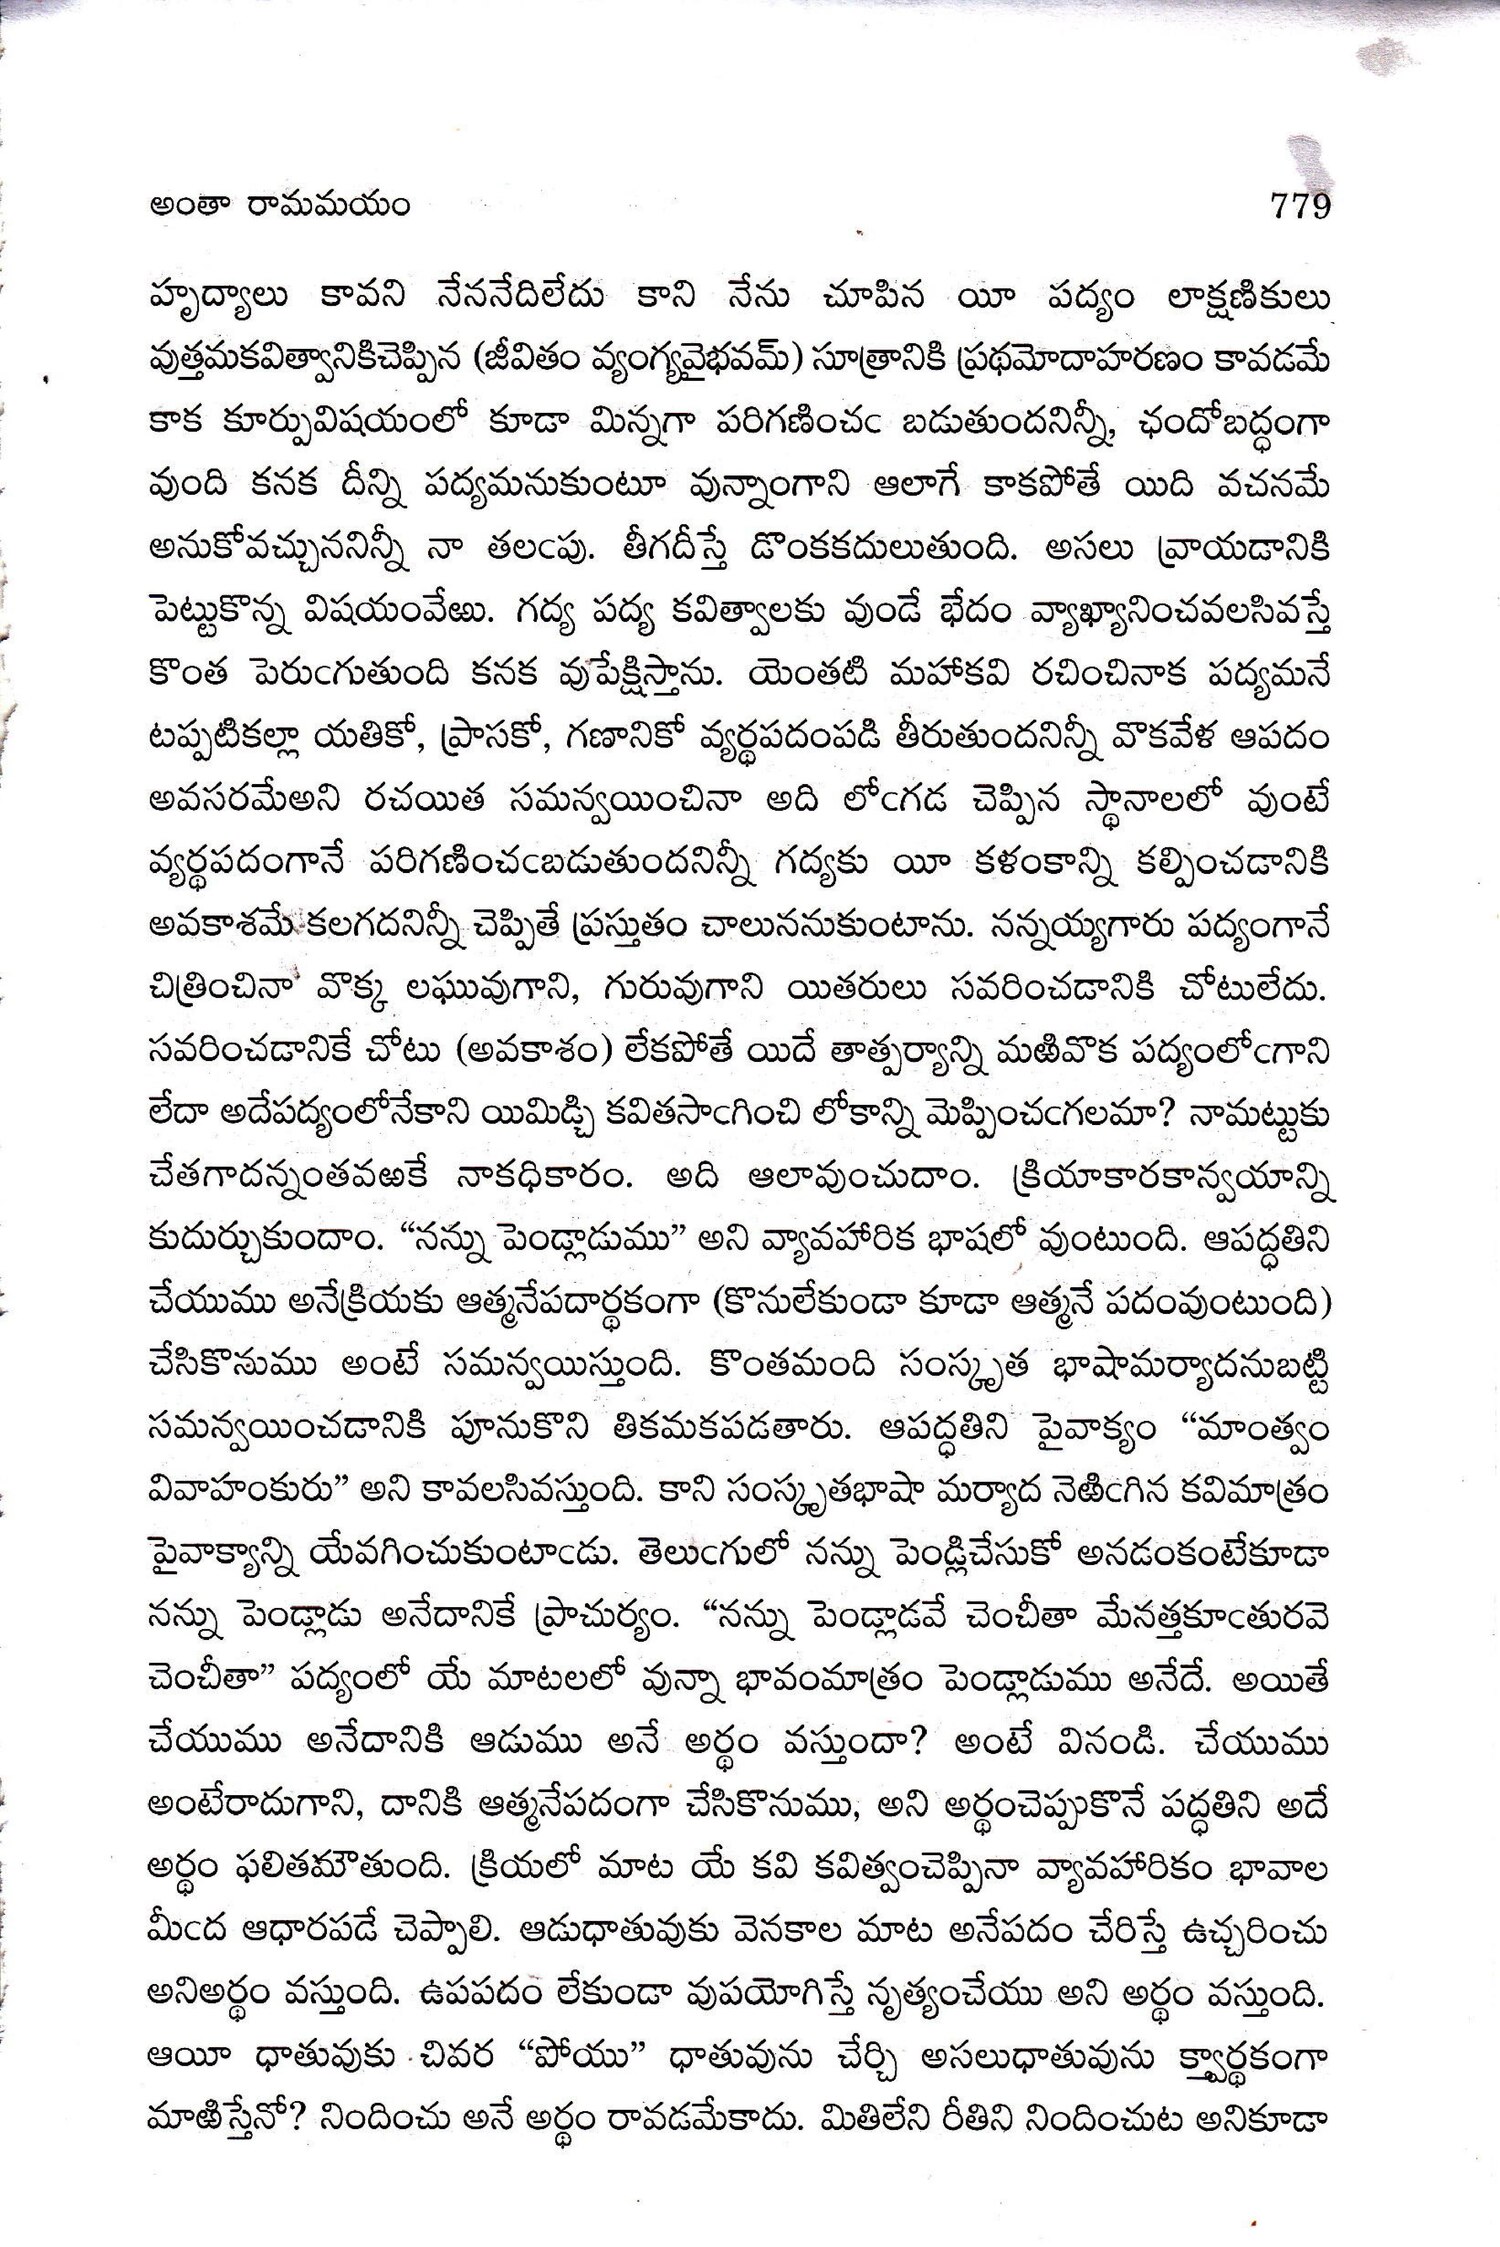హృద్యాలు కావని నేననేదిలేదు కాని నేను చూపిన యీ పద్యం లాక్షణికులు వుత్తమకవిత్వానికిచెప్పిన (జీవితం వ్యంగ్యవైభవమ్) సూత్రానికి ప్రథమోదాహరణం కావడమే కాక కూర్పువిషయంలో కూడా మిన్నగా పరిగణించఁ బడుతుందనిన్నీ ఛందోబద్ధంగా వుంది కనక దీన్ని పద్యమనుకుంటూ వున్నాంగాని ఆలాగే కాకపోతే యిది వచనమే అనుకోవచ్చుననిన్నీ నా తలఁపు. తీగదీస్తే డొంకకదులుతుంది. అసలు వ్రాయడానికి పెట్టుకొన్న విషయంవేఱు. గద్య పద్య కవిత్వాలకు వుండే భేదం వ్యాఖ్యానించవలసివస్తే కొంత పెరుంగుతుంది కనక వుపేక్షిస్తాను. యెంతటి మహాకవి రచించినాక పద్యమనే టప్పటికల్లా యతికో, ప్రాసకో, గణానికో వ్యర్థపదంపడి తీరుతుందనిన్నీ వొకవేళ ఆపదం అవసరమేఅని రచయిత సమన్వయించినా అది లోఁగడ చెప్పిన స్థానాలలో వుంటే వ్యర్థపదంగానే పరిగణించఁబడుతుందనిన్నీ గద్యకు యీ కళంకాన్ని కల్పించడానికి అవకాశమే కలగదనిన్నీ చెప్పితే ప్రస్తుతం చాలుననుకుంటాను. నన్నయ్యగారు పద్యంగానే చిత్రించినా వొక్క లఘువుగాని, గురువుగాని యితరులు సవరించడానికి చోటులేదు. సవరించడానికే చోటు (అవకాశం) లేకపోతే యిదే తాత్పర్యాన్ని మఱివొక పద్యంలోఁగాని లేదా అదేపద్యంలోనేకాని యిమిడ్చి కవితసాఁగించి లోకాన్ని మెప్పించఁగలమా? నామట్టుకు చేతగాదన్నంతవఱకే నాకధికారం. అది ఆలావుంచుదాం. క్రియాకారకాన్వయాన్ని కుదుర్చుకుందాం. "నన్ను పెండ్లాడుము" అని వ్యావహారిక భాషలో వుంటుంది. ఆపద్ధతిని చేయుము అనేక్రియకు ఆత్మనేపదార్థకంగా (కొనులేకుండా కూడా ఆత్మనే పదంవుంటుంది) చేసికొనుము అంటే సమన్వయిస్తుంది. కొంతమంది సంస్కృత భాషామర్యాదనుబట్టి సమన్వయించడానికి పూనుకొని తికమకపడతారు. ఆపద్ధతిని పైవాక్యం “మాంత్వం వివాహంకురు" అని కావలసివస్తుంది. కాని సంస్కృతభాషా మర్యాద నెఱిఁగిన కవిమాత్రం పైవాక్యాన్ని యేవగించుకుంటాఁడు. తెలుఁగులో నన్ను పెండ్లిచేసుకో అనడంకంటేకూడా నన్ను పెండ్లాడు అనేదానికే ప్రాచుర్యం. “నన్ను పెండ్లాడవే చెంచీతా మేనత్తకూఁతురవె చెంచీతా" పద్యంలో యే మాటలలో వున్నా భావంమాత్రం పెండ్లాడుము అనేదే. అయితే చేయుము అనేదానికి ఆడుము అనే అర్థం వస్తుందా? అంటే వినండి. చేయుము అంటేరాదుగాని, దానికి ఆత్మనేపదంగా చేసికొనుము, అని అర్ధంచెప్పుకొనే పద్ధతిని అదే అర్ధం ఫలితమౌతుంది. క్రియలో మాట యే కవి కవిత్వంచెప్పినా వ్యావహారికం భావాల మీఁద ఆధారపడే చెప్పాలి. ఆడుధాతువుకు వెనకాల మాట అనేపదం చేరిస్తే ఉచ్చరించు అనిఅర్థం వస్తుంది. ఉపపదం లేకుండా వుపయోగిస్తే నృత్యంచేయు అని అర్థం వస్తుంది. ఆయీ ధాతువుకు చివర “పోయు” ధాతువును చేర్చి అసలు ధాతువును క్వార్థకంగా మాఱిస్తేనో? నిందించు అనే అర్థం రావడమేకాదు. మితిలేని రీతిని నిందించుట అనికూడా